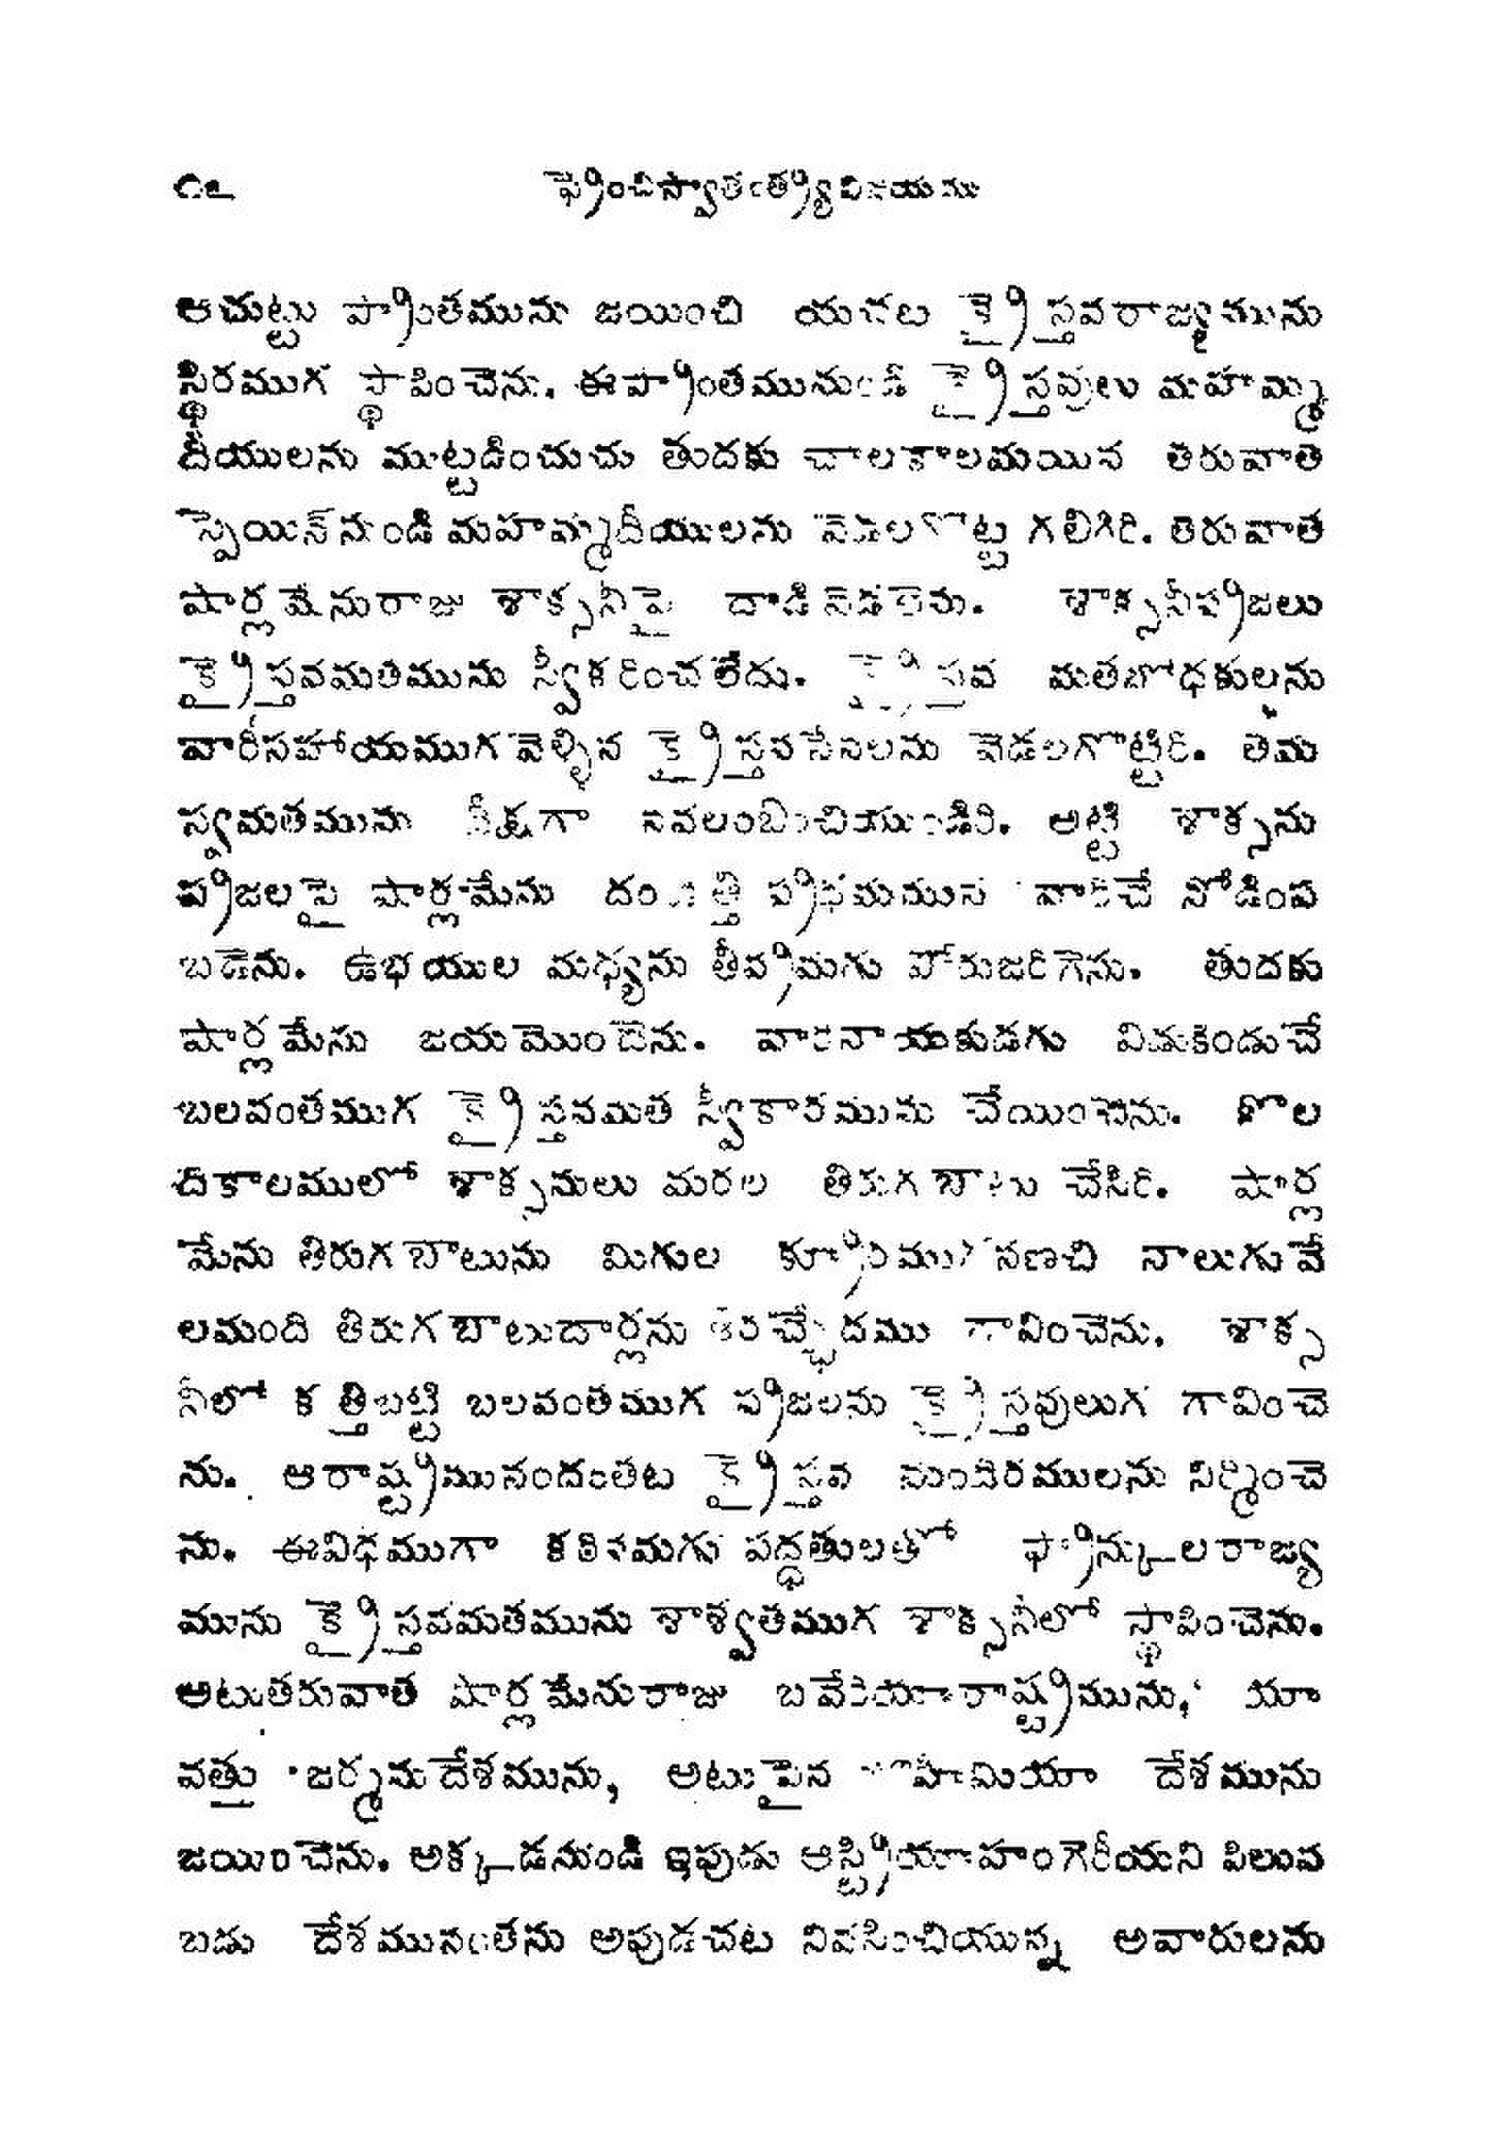ఆచుట్టు ప్రాంతమును జయించి యచట క్రైస్తవరాజ్యమును
స్థిరముగ స్థాపించెను. ఈ ప్రాంతమునుండి క్రైస్తవులు మహమ్మ
దీయులను ముట్టడించుచు తుదకు చాల కాలమయిన తరువాత
స్పెయిన్ నుండి మహమ్మదీయులను వెడల గొట్ట గలిగిరి. తారువాత
షార్ల మేనురాజు శాక్సనీపై దాడి వెడలెను. శాక్సనీ ప్రజలు
క్రైస్తవమతమును స్వీకరించ లేదు. క్రైస్తవ మతబోధకులను
వారి సహాయముగ వెళ్ళిన క్రైస్తవ సేనలను వెడలగొట్టిరి.తమ
స్వమతమును దీక్షగా నవలంబించి యుండిరి. అట్టి శాక్సను
ప్రజల పై షార్ల మేను దండెత్తి ప్రధమమున వారిచే నోడింప
బడెను. ఉభయుల మధ్యను తీవ్రమగు పోరు జరిగెను,
షార్ల మేసు జయమొందెను. వారి నాయకుడగు విడుకిండు చే
బలవంతముగ క్రైస్తవమత స్వీకారమును చేయించెను. కొల
దికాలములో శాక్సనులు మరల తీరుగబాటు చేసిరి. షార్ల
మేను తిరుగ బాటును మిగుల క్రూరముగ నణచి నాలుగు వే
లమంది తీరుగుబాటుదార్లను శిర చ్ఛేదము గావించెను. శాక్స
నీలో కత్తి బట్టి బలవంతముగ ప్రజలను క్రైస్తవులుగా గావించె
ను.. ఆ రాష్ట్రము నందంతట క్రైస్తవ మందిరములను నిర్మించె
సు. ఈ విధముగా కఠినమగు పద్ధతులతో ప్రాన్కుల రాజ్య
మును క్రైస్తవమతమును శాశ్వతముగ శాక్సినీలో స్థాపించెను.
అటుతరువాత షార్ల మేను రాజు బవేరియా రాష్ట్రమును, యా
వత్తు జర్మము దేశమును, అటు పైన - హమియా దేశమును
జయించెను. అక్కడనుండి ఇపుడు ఆస్ట్రియూ హంగెరీయని పిలువ
బడు దేశమునంతను అపుడచట నివసించియున్న అవారులను